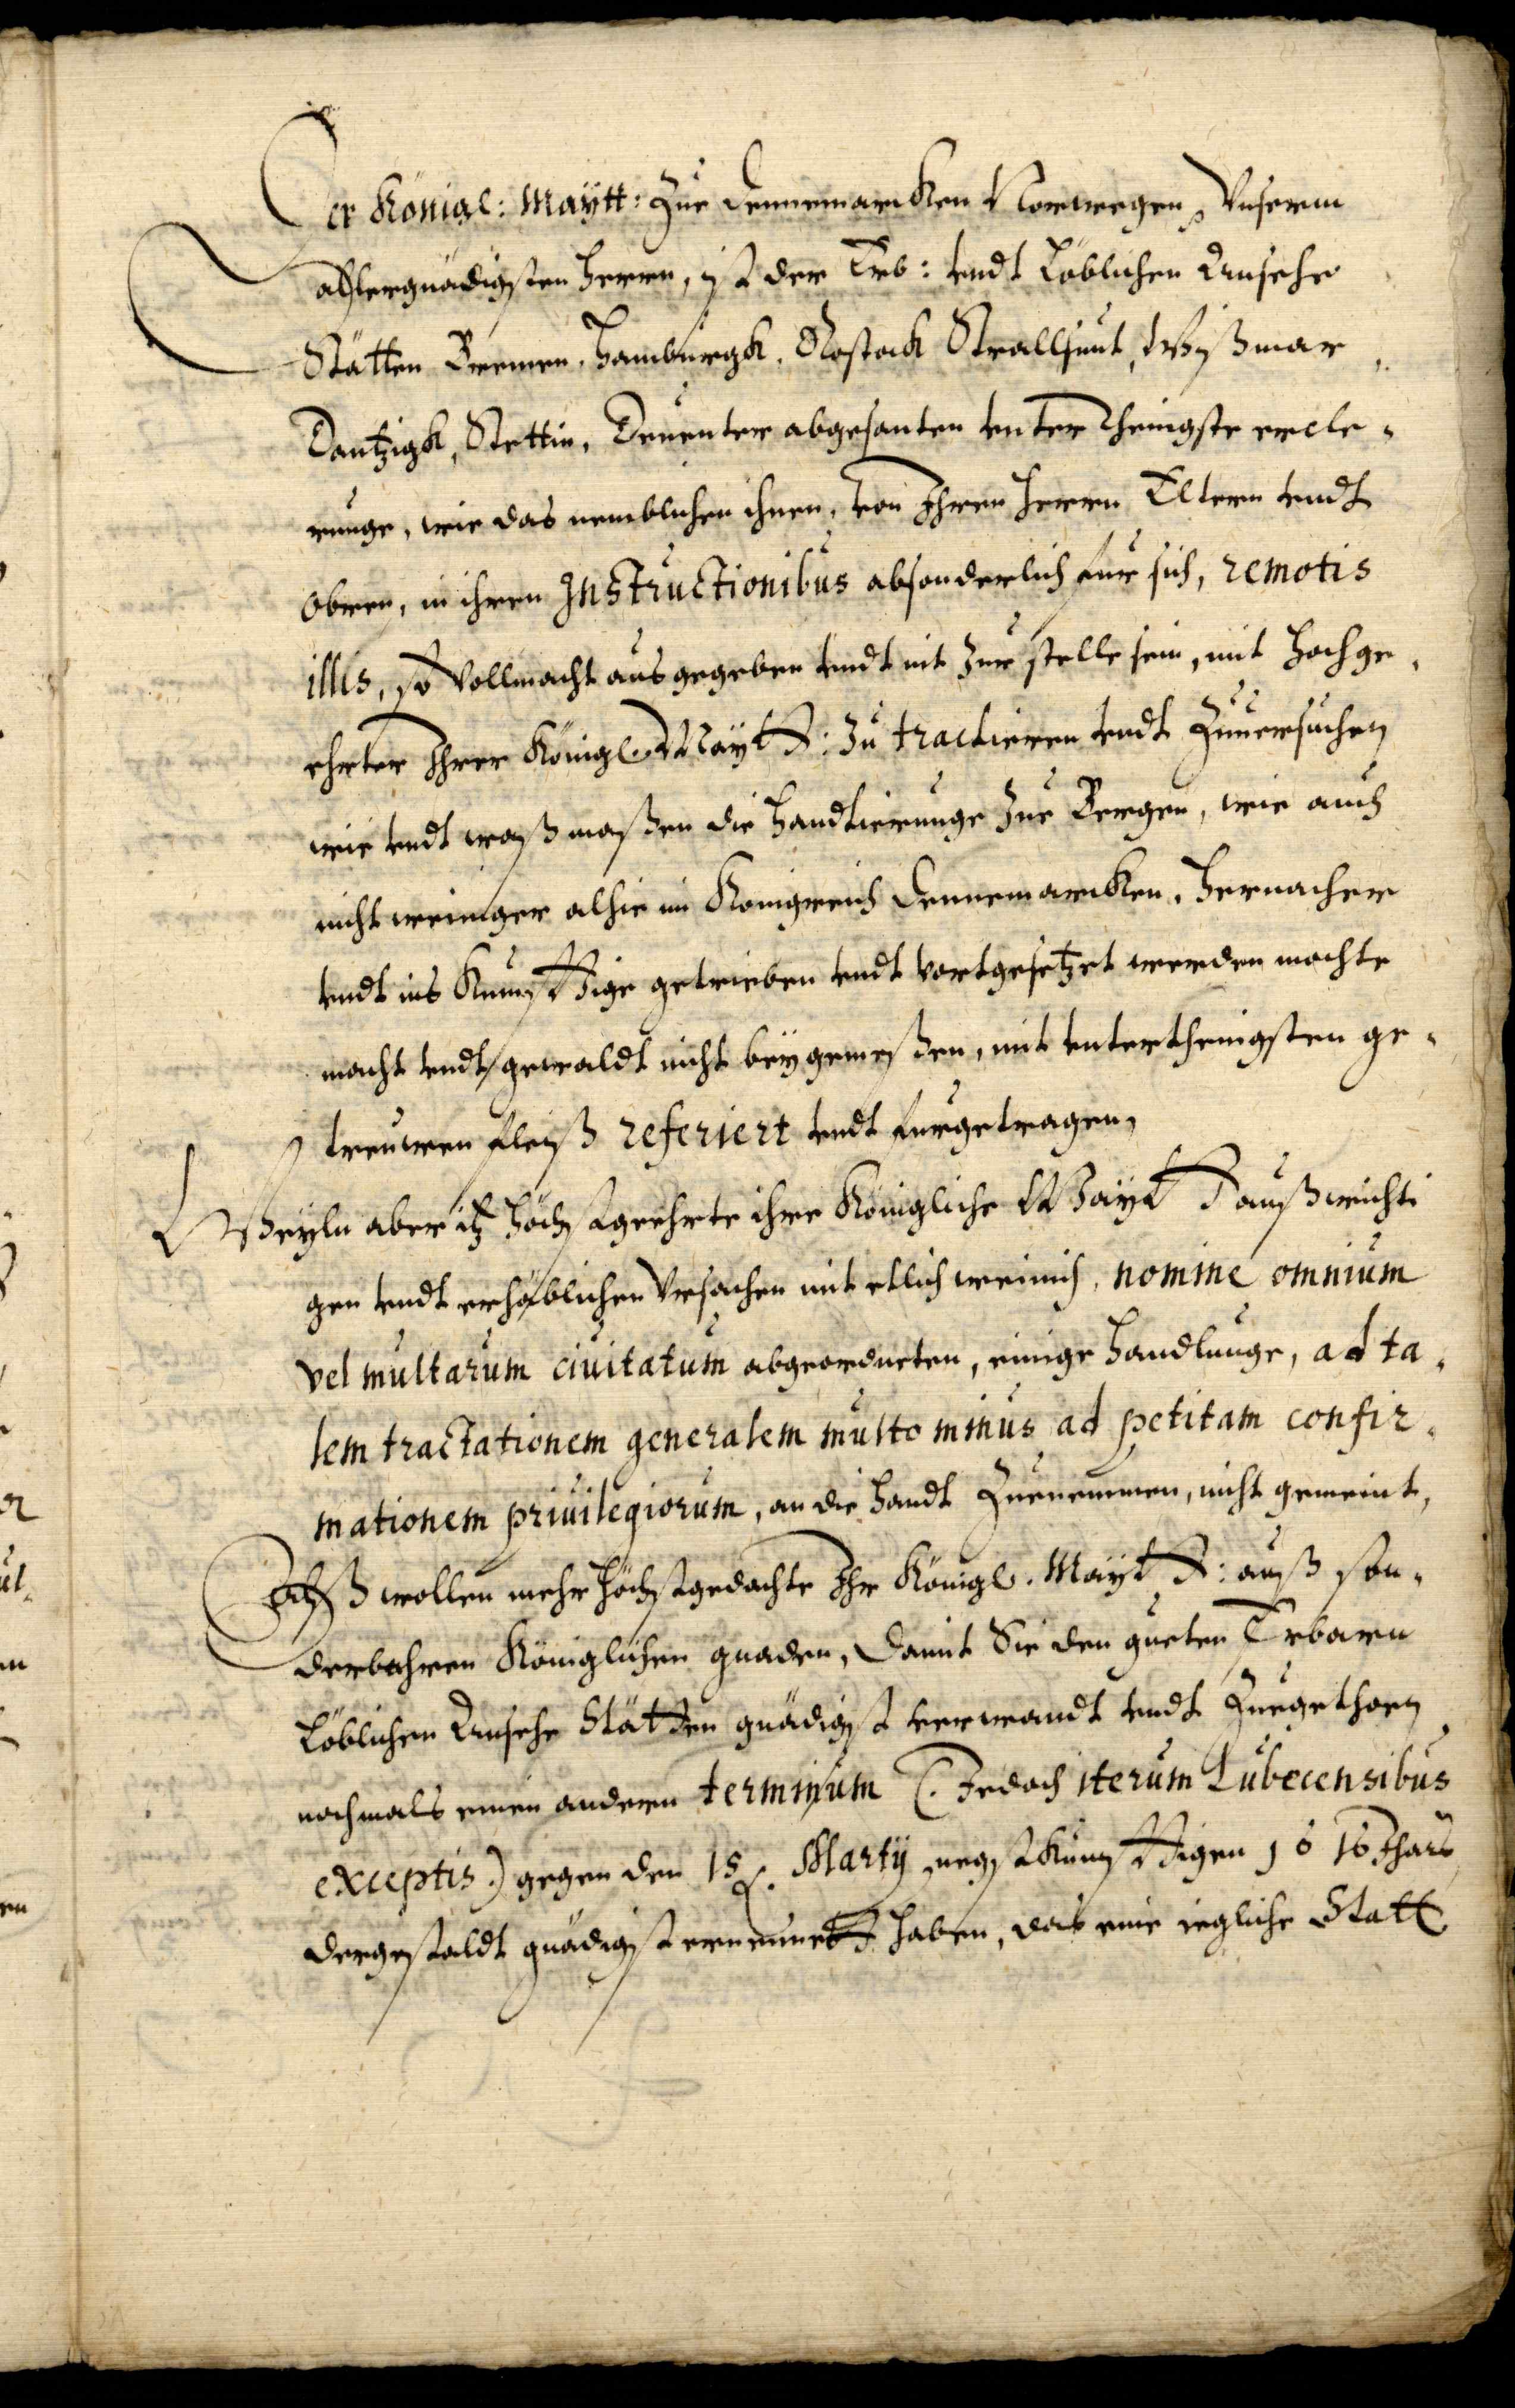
Der Königl: Maijtt: zue Dennemarcken Norwegen p Vnserm
allergnädigsten Herrn, ist der Erb: vndt Löblichen Ansehe
Stätten Bremen, Hamburgk, Rostock Strallsunt, Wißmar,
Dantzigk, Stettin, Deuenter abgesanten vnterthenigste ercle¬
runge, wie das nemblichen ihnen, von Ihren herrn Eltern vndt
Obren, in ihren Instructionibus absonderlich fur sich, remotis
illis, so Vollmacht ausgegeben vndt mit zur stelle sein, mit hochge¬
ehrter Ihrer Königl. Maijtt: zu tractieren vndt zuuersuchen
wie vndt waß maßen die Handtierunge zue Bergen, wie auch
nicht weiniger alhie im Konigreich Dennemarcken, Hernacher
vndt ins Kumfftige getrieben vndt vortgesetzet werden mochte
macht vndt gewaldt nicht beijgemeßen, mit vnterthenigsten ge¬
treuwen fleiß referiert vndt furgetragen,
Weijln aber itz Höchstgeehrte ihre Königliche Maijtt auß wichti
gen vndt erhäblichen Vrsachen mit etlich weinich, nomine omnium
vel multarum ciuitatum abgeordneten, einige Handlunge, ad ta¬
lem tractationem generalem multo minus ad petitam confir¬
mationem priuilegiorum, an die Handt zuenemmen, nicht gemeint,
Alß wollen mehr höchstgedachte Ihr Königl. Maijtt: auß son¬
derbahren Königlichen gnaden, damit Sie den gueten Erbarn
Löblichen Ansehe Stätten gnädigst verwandt vndt zuegethoen
nochmals einen andern terminum (.Jedoch iterum Lubecensibus
exceptis.) gegen den 15. Martij, negstkumfftigen 1616 Jhars,
dergestaldt gnädigst ernennett haben, das eine iegliche Statt
